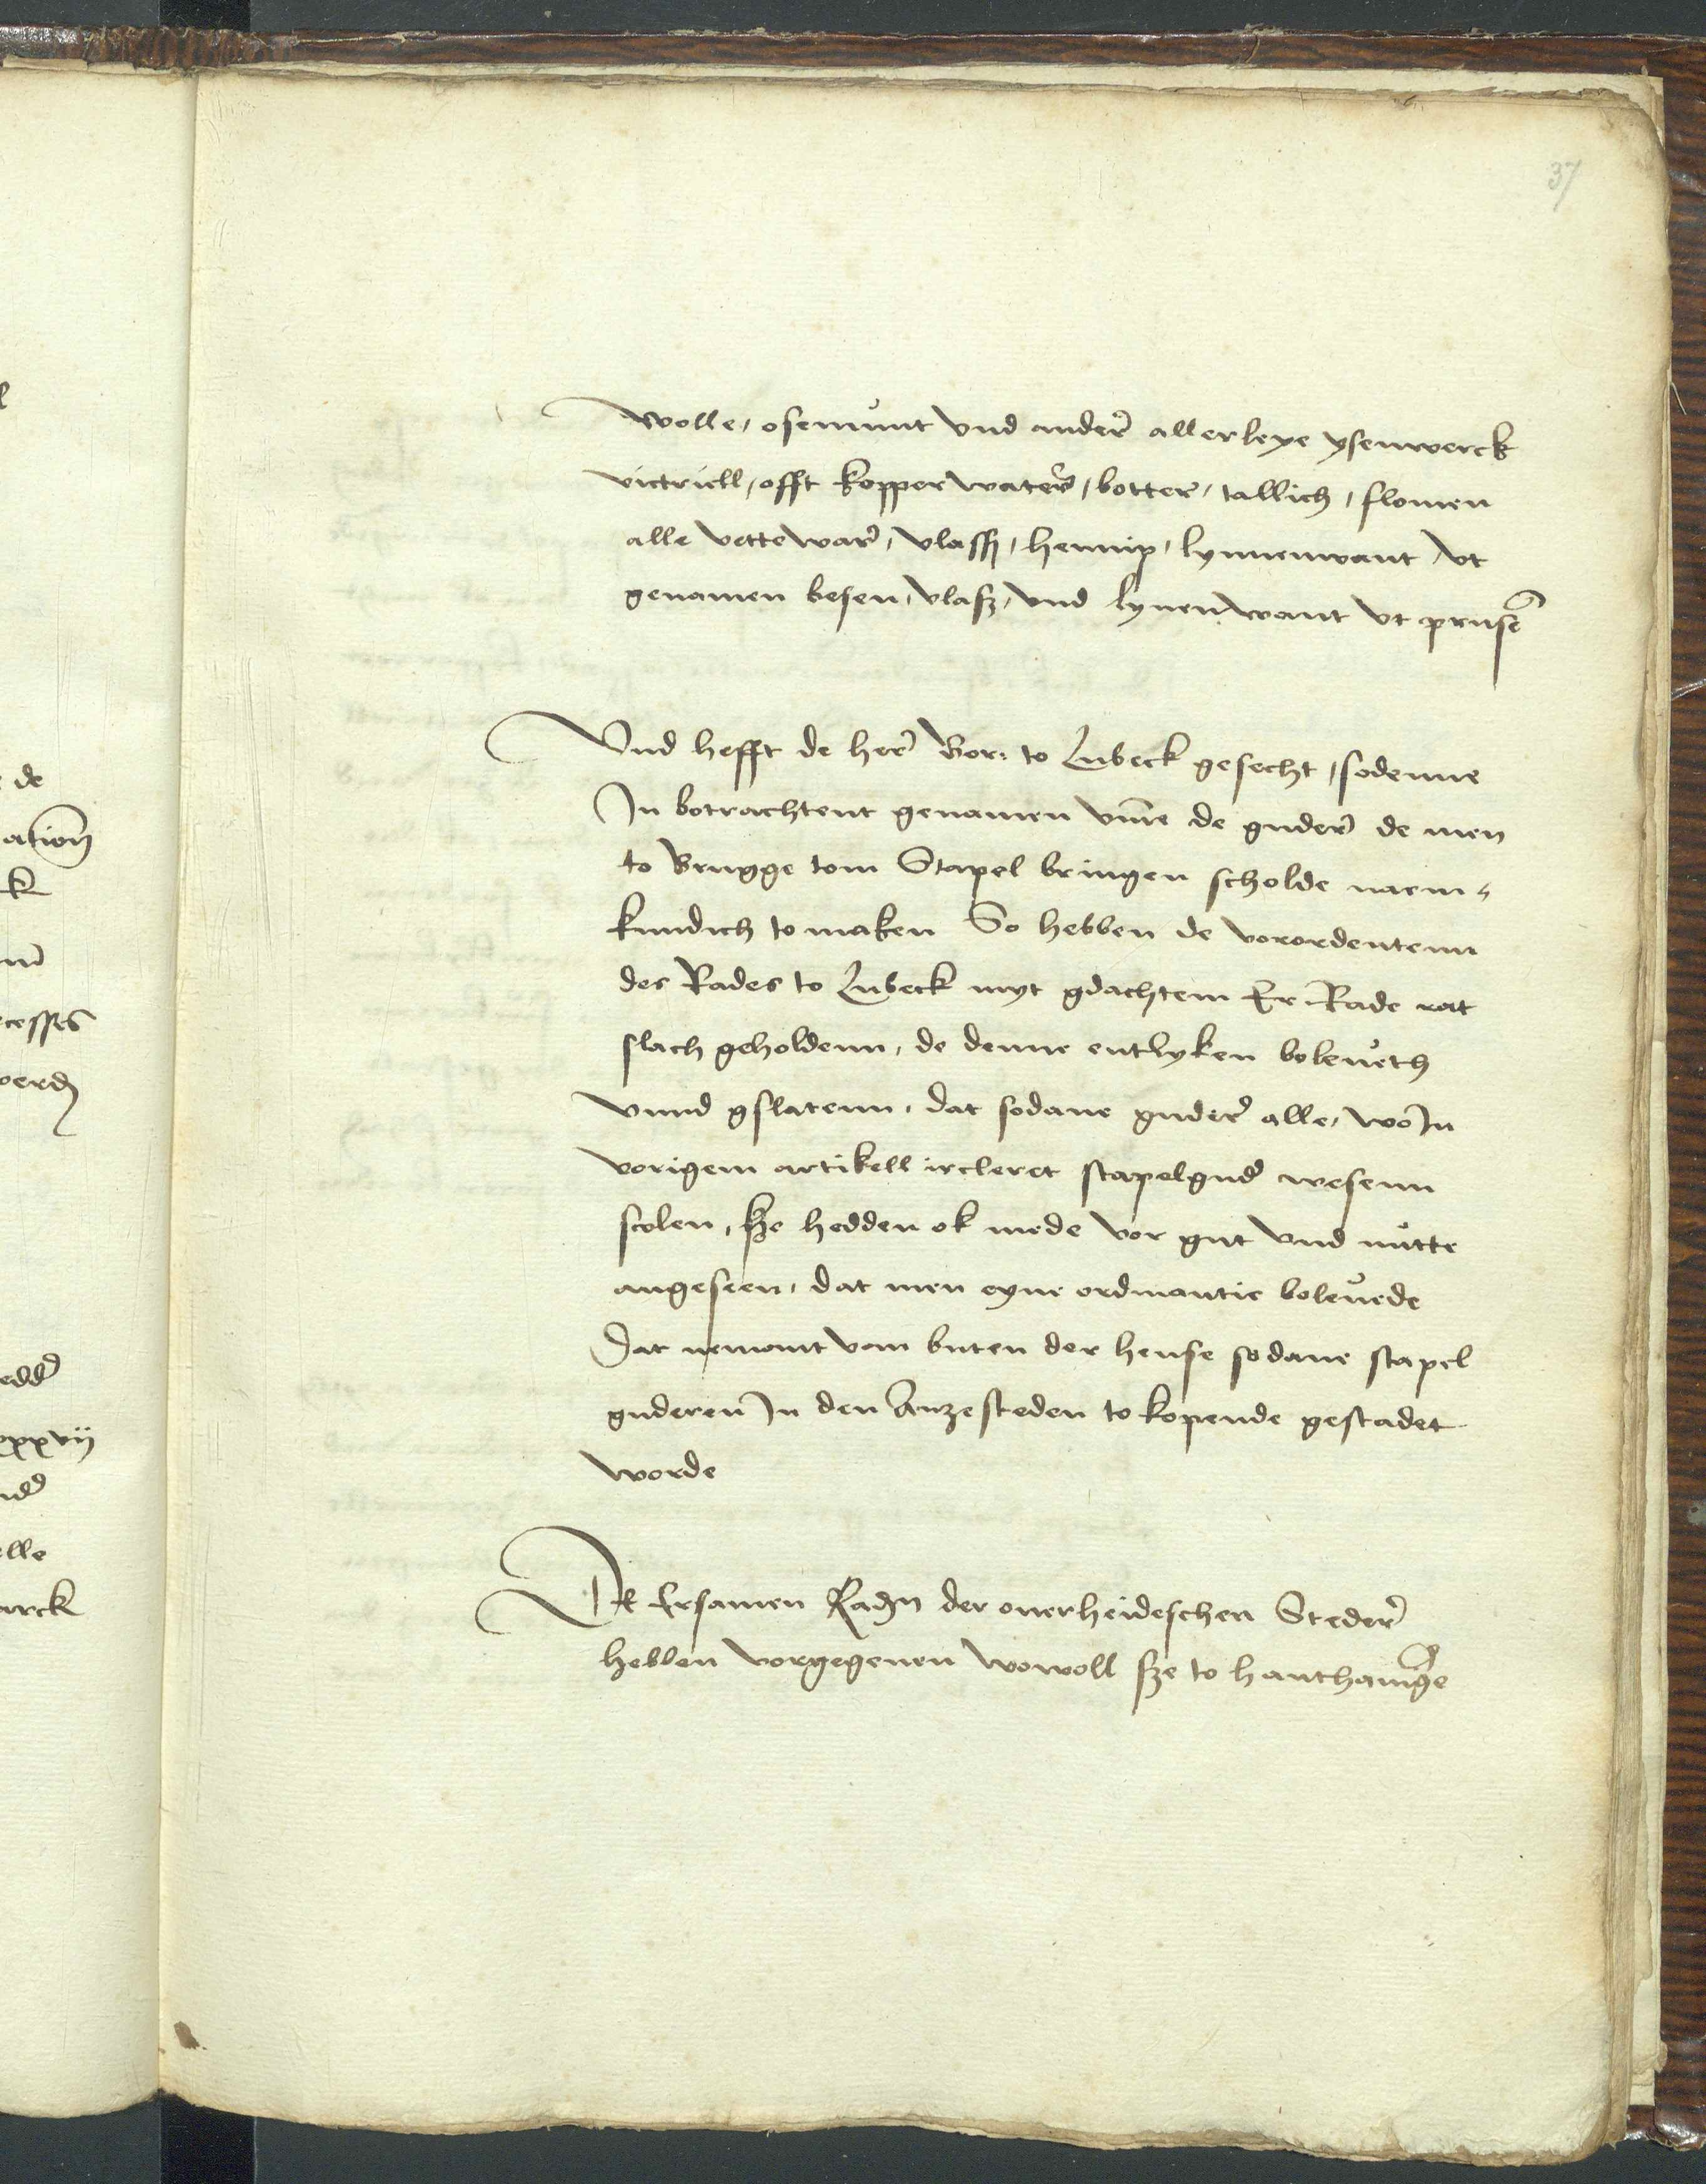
wolle, osemunt vnd andere allerleye ysenwerck
victriell, offt kopperwater, botter, tallich, flomen
alle vetteware, vlassz, hennip, lynnewant, vt¬
genamen besen, vlasz, vnd lynenwant vt prusen
Vnd hefft de her Bor: to Lubeck gesecht, sodenne
Jn botrachtent genamen vmme de guder de men
to Brugge tom Stapel bringen scholde naem¬
kundich to maken So hebben de vorordentenn
des Rades to Lubeck myt gdachtem Er Rade rat¬
slach geholdenn, de denne entliken boleueth
vnnd gslatenn, dat sodane guder alle, wo Jn
vorigem artikell ircleret stapelguder wesenn
scolen, sze hedden ok mede vor gut vnd nutte
angeseen, dat men eyne ordinantie boleuede
dat nemant van buten der hense sodane stapel¬
guderen Jn den Anzesteden to kopende gestadet
worde
De Ersamen Radessendebaden der ouerheideschen Steder
hebben vorgegeuen wowoll sze to hanthauinge
